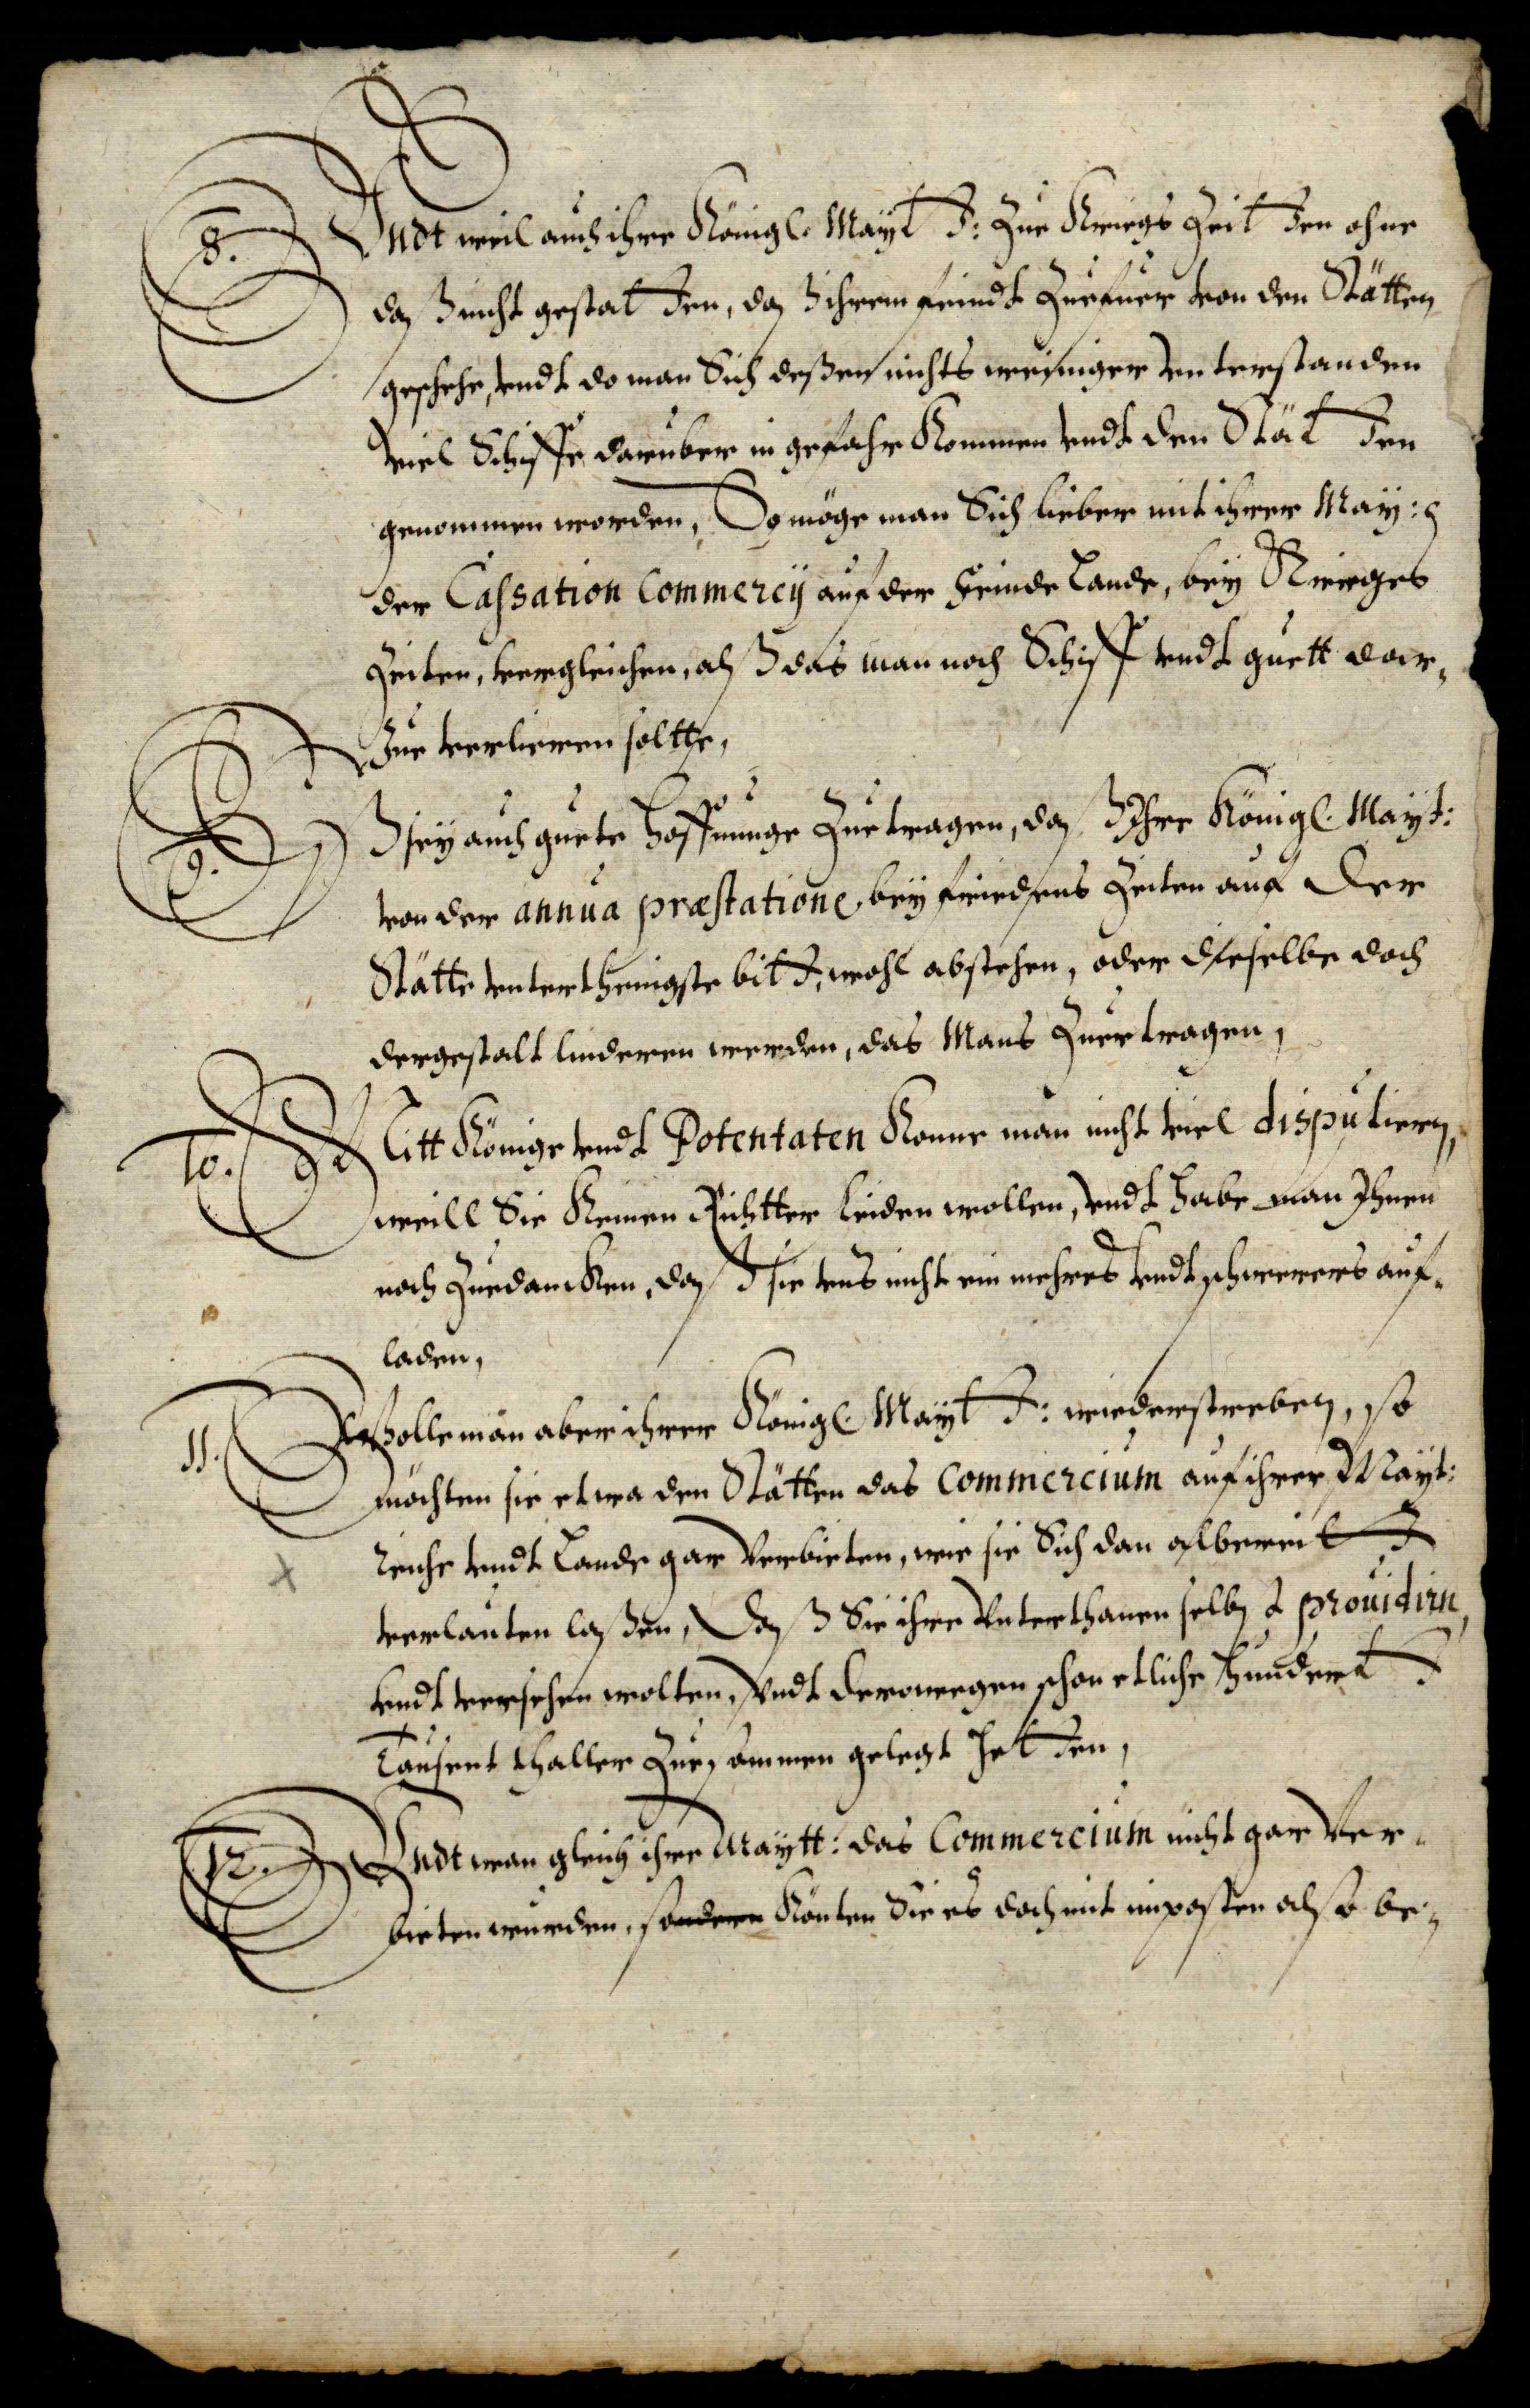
Vndt weil auch ihre Königl. Maijtt. zue Kriegs Zeitten ohne
daß nicht gestatten, daß ihrem feindt Zuefuer von den Stätten
geschehe, vndt do man Sich deßen nichts weiniger vnterstanden
viel Schiffe daruber in gefahr Kommen vndt den Stätten
genommen worden, So möge man Sich lieber mit ihrer Maij:
der Cassation Commercij auf der feinde Lande, beij Krieges
Zeiten, vergleichen, alß das man noch Schiff vndt guett dar¬
zue verlieren soltte,
Eß seij auch guete Hoffnunge Zuetragen, daß Ihre Königl. Maijt:
von der annua praestatione beij friedens Zeiten auf Der
Stätte vnterthenigste bitt, wohl abstehen, oder dieselbe doch
dergestalt linderen werden, das Mans Zuertragen,
Mitt Könige vndt Potentaten Konne man nicht viel disputiern,
weill Sie Keinen Richtter leiden wollen, vndt Habe man Ihnen
noch Zuedancken, daß sie vns nicht ein mehres vndt schwerers auf¬
laden,
Wolle man aber ihrer Königl. Maijtt: wiederstreben, so
möchten sie etwa den Stätten das commercium auf ihrer Maijt:
reiche vndt Lande gar Verbieten, wie sie Sich dan albereitt
verlauten laßen, Daß Sie ihre Vnterthanen selbst prouidirn,
vndt versehen wolten, Vndt derowegen schon etliche hundertt
Tausent thaller Zuesammen gelegt hetten,
Vndt wan gleich ihre Maijtt: das Commercium nicht gar Ver¬
bieten wurden, sondern Könten Sie es doch mit imposten also be¬
8.
9.
10.
11
12.
